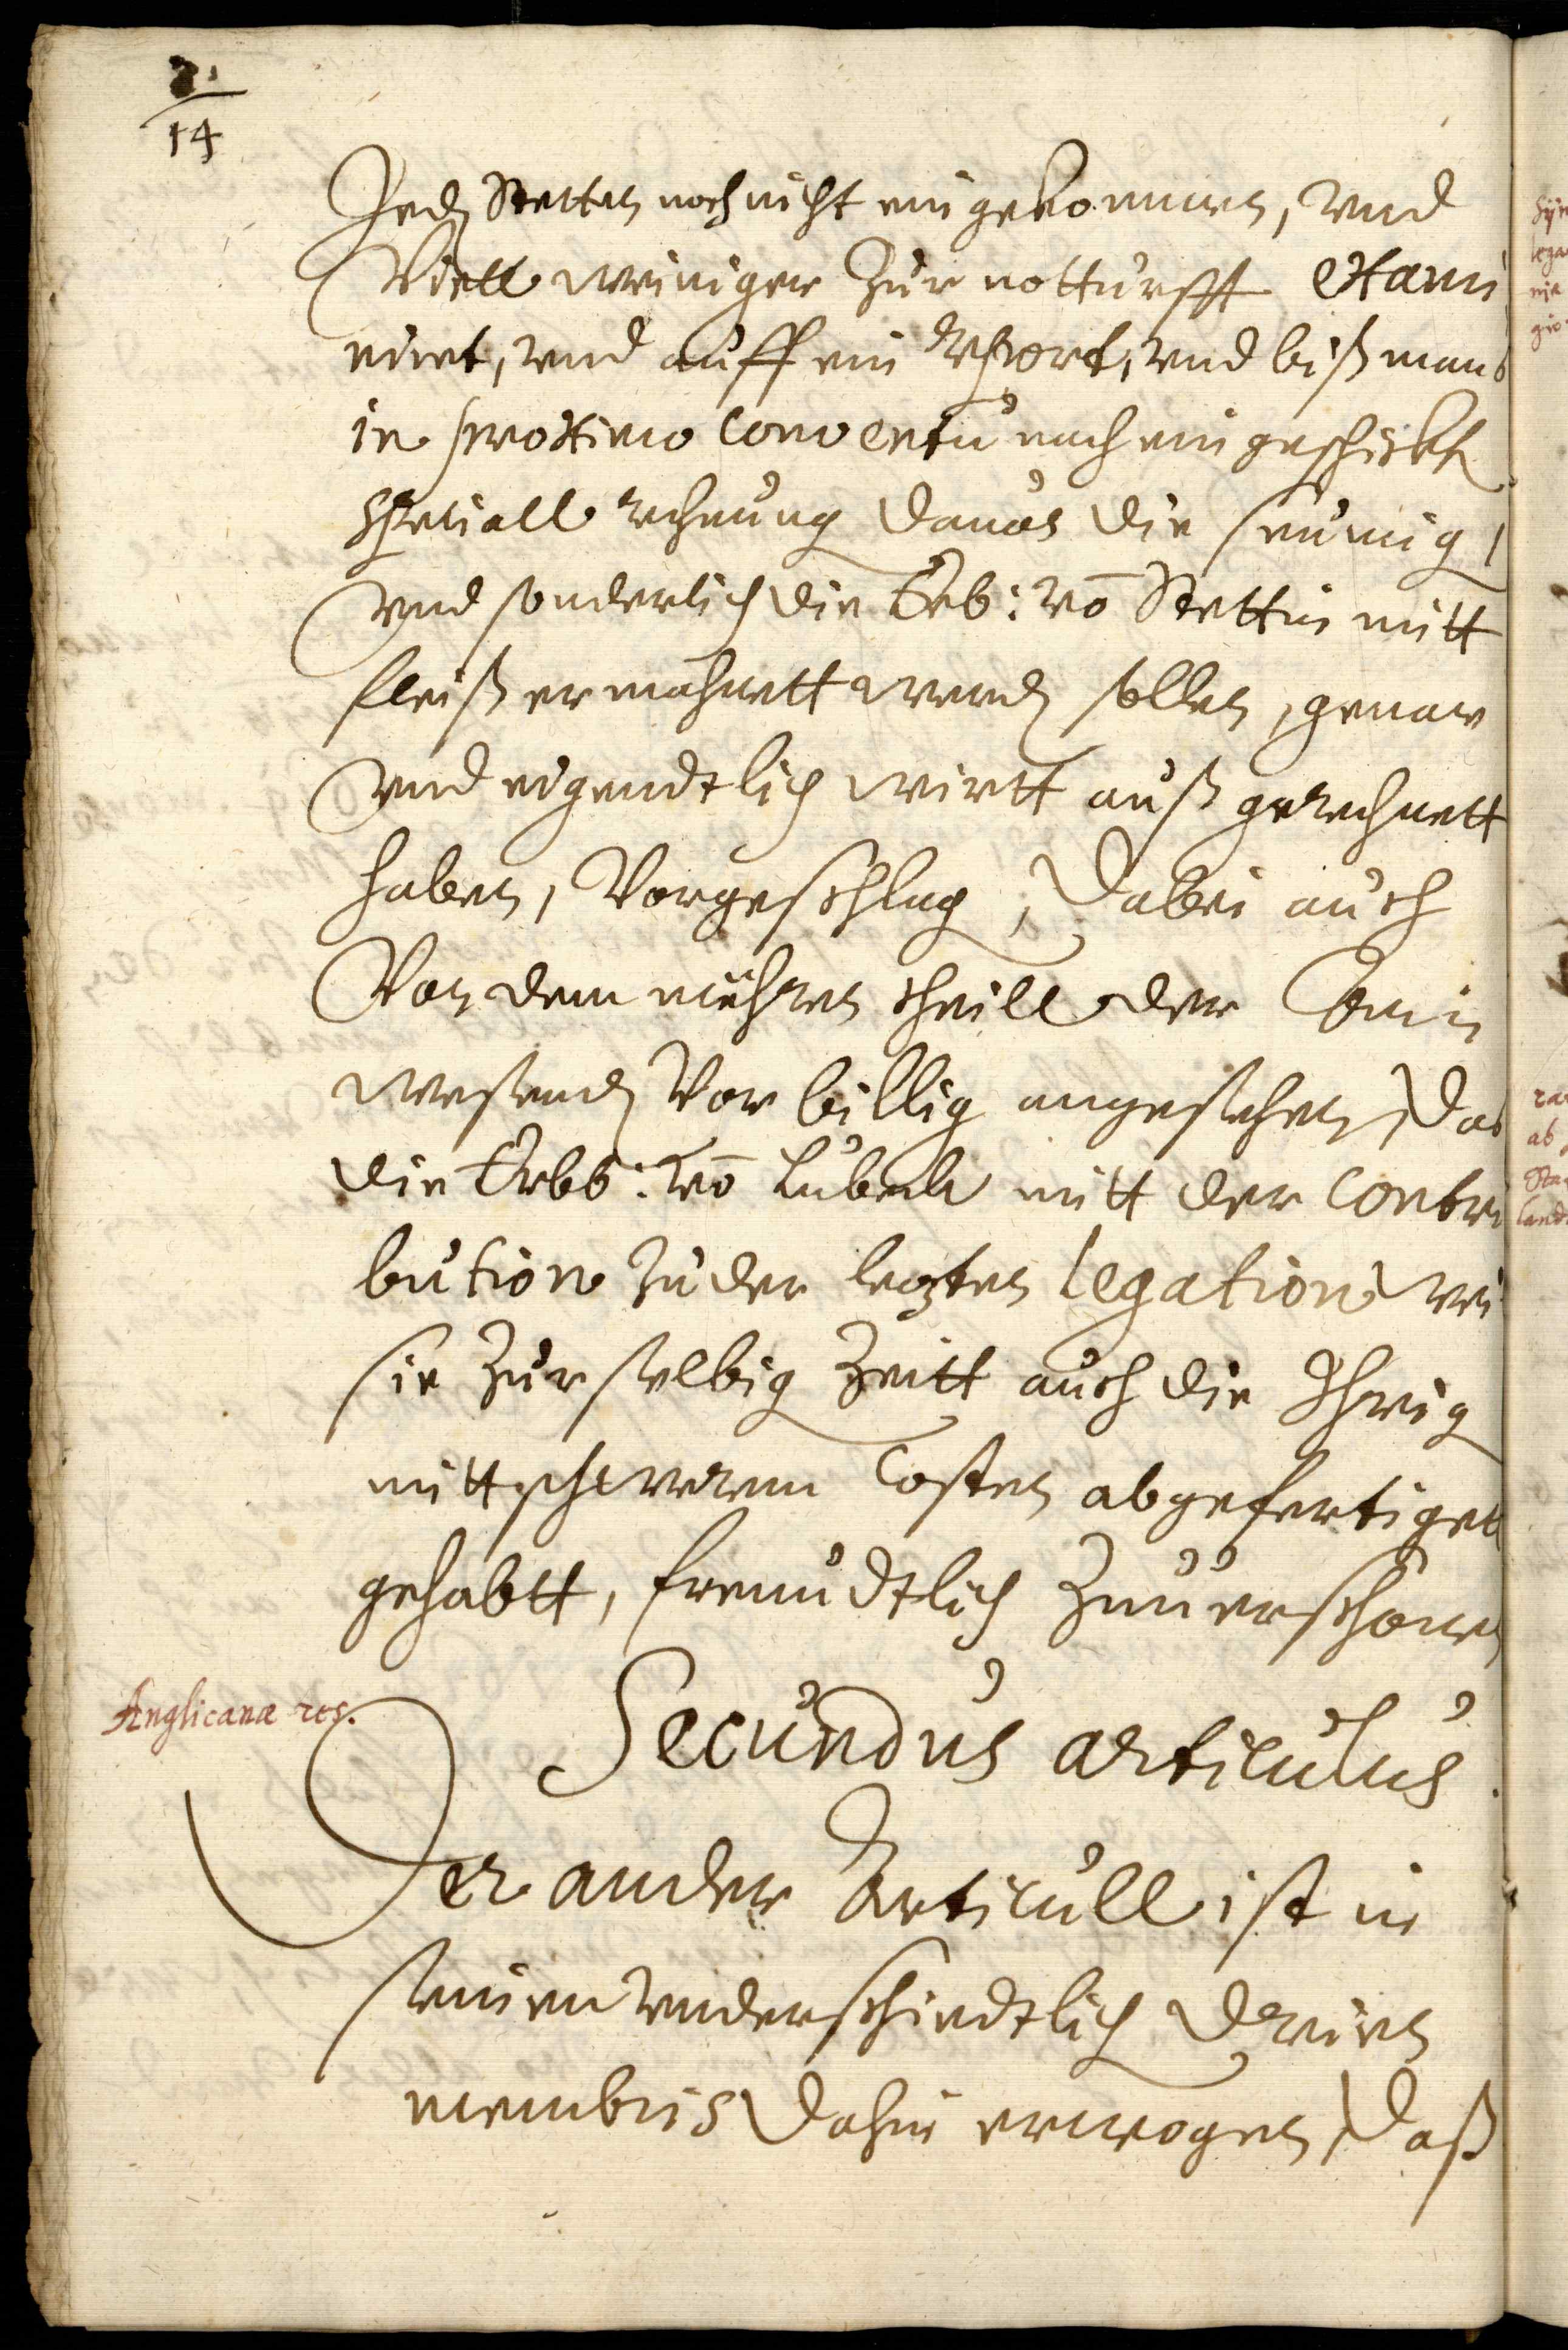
2
14
Jeden Stetten noch nicht eingekommen, vnd
Viell weiniger zur notturfft exanu
nimt, vnd auff ein whort, vnd biß mans
in proximo conventu nach ein geschickten
speciall rechnungen dauon die seumigen,
vnd sonderlich die Erb: von Stettin mitt
fleiß ermahnett werden sollen, genaw
vnd eigendtlich wirtt auß gerechnett
haben, Vorgeschlagen, dabei auch
Von dem mehren theill der Ann
wesenden vor billig angesehen, Das
die Erbb: von Lubeck mitt der Contri
bution zu der lezten Legation wei
sie zur selbigen Zeitt auch die Ihrigen
mitt schwerem Costen abgefertigett
gehabtt, freundtlich zuuerschonen,
Anglicanae res.
Secundus articulus.
Der ander Articull ist in
seinen vnderschiedtlichen dreien
membris Dahin erwogen, Daß
